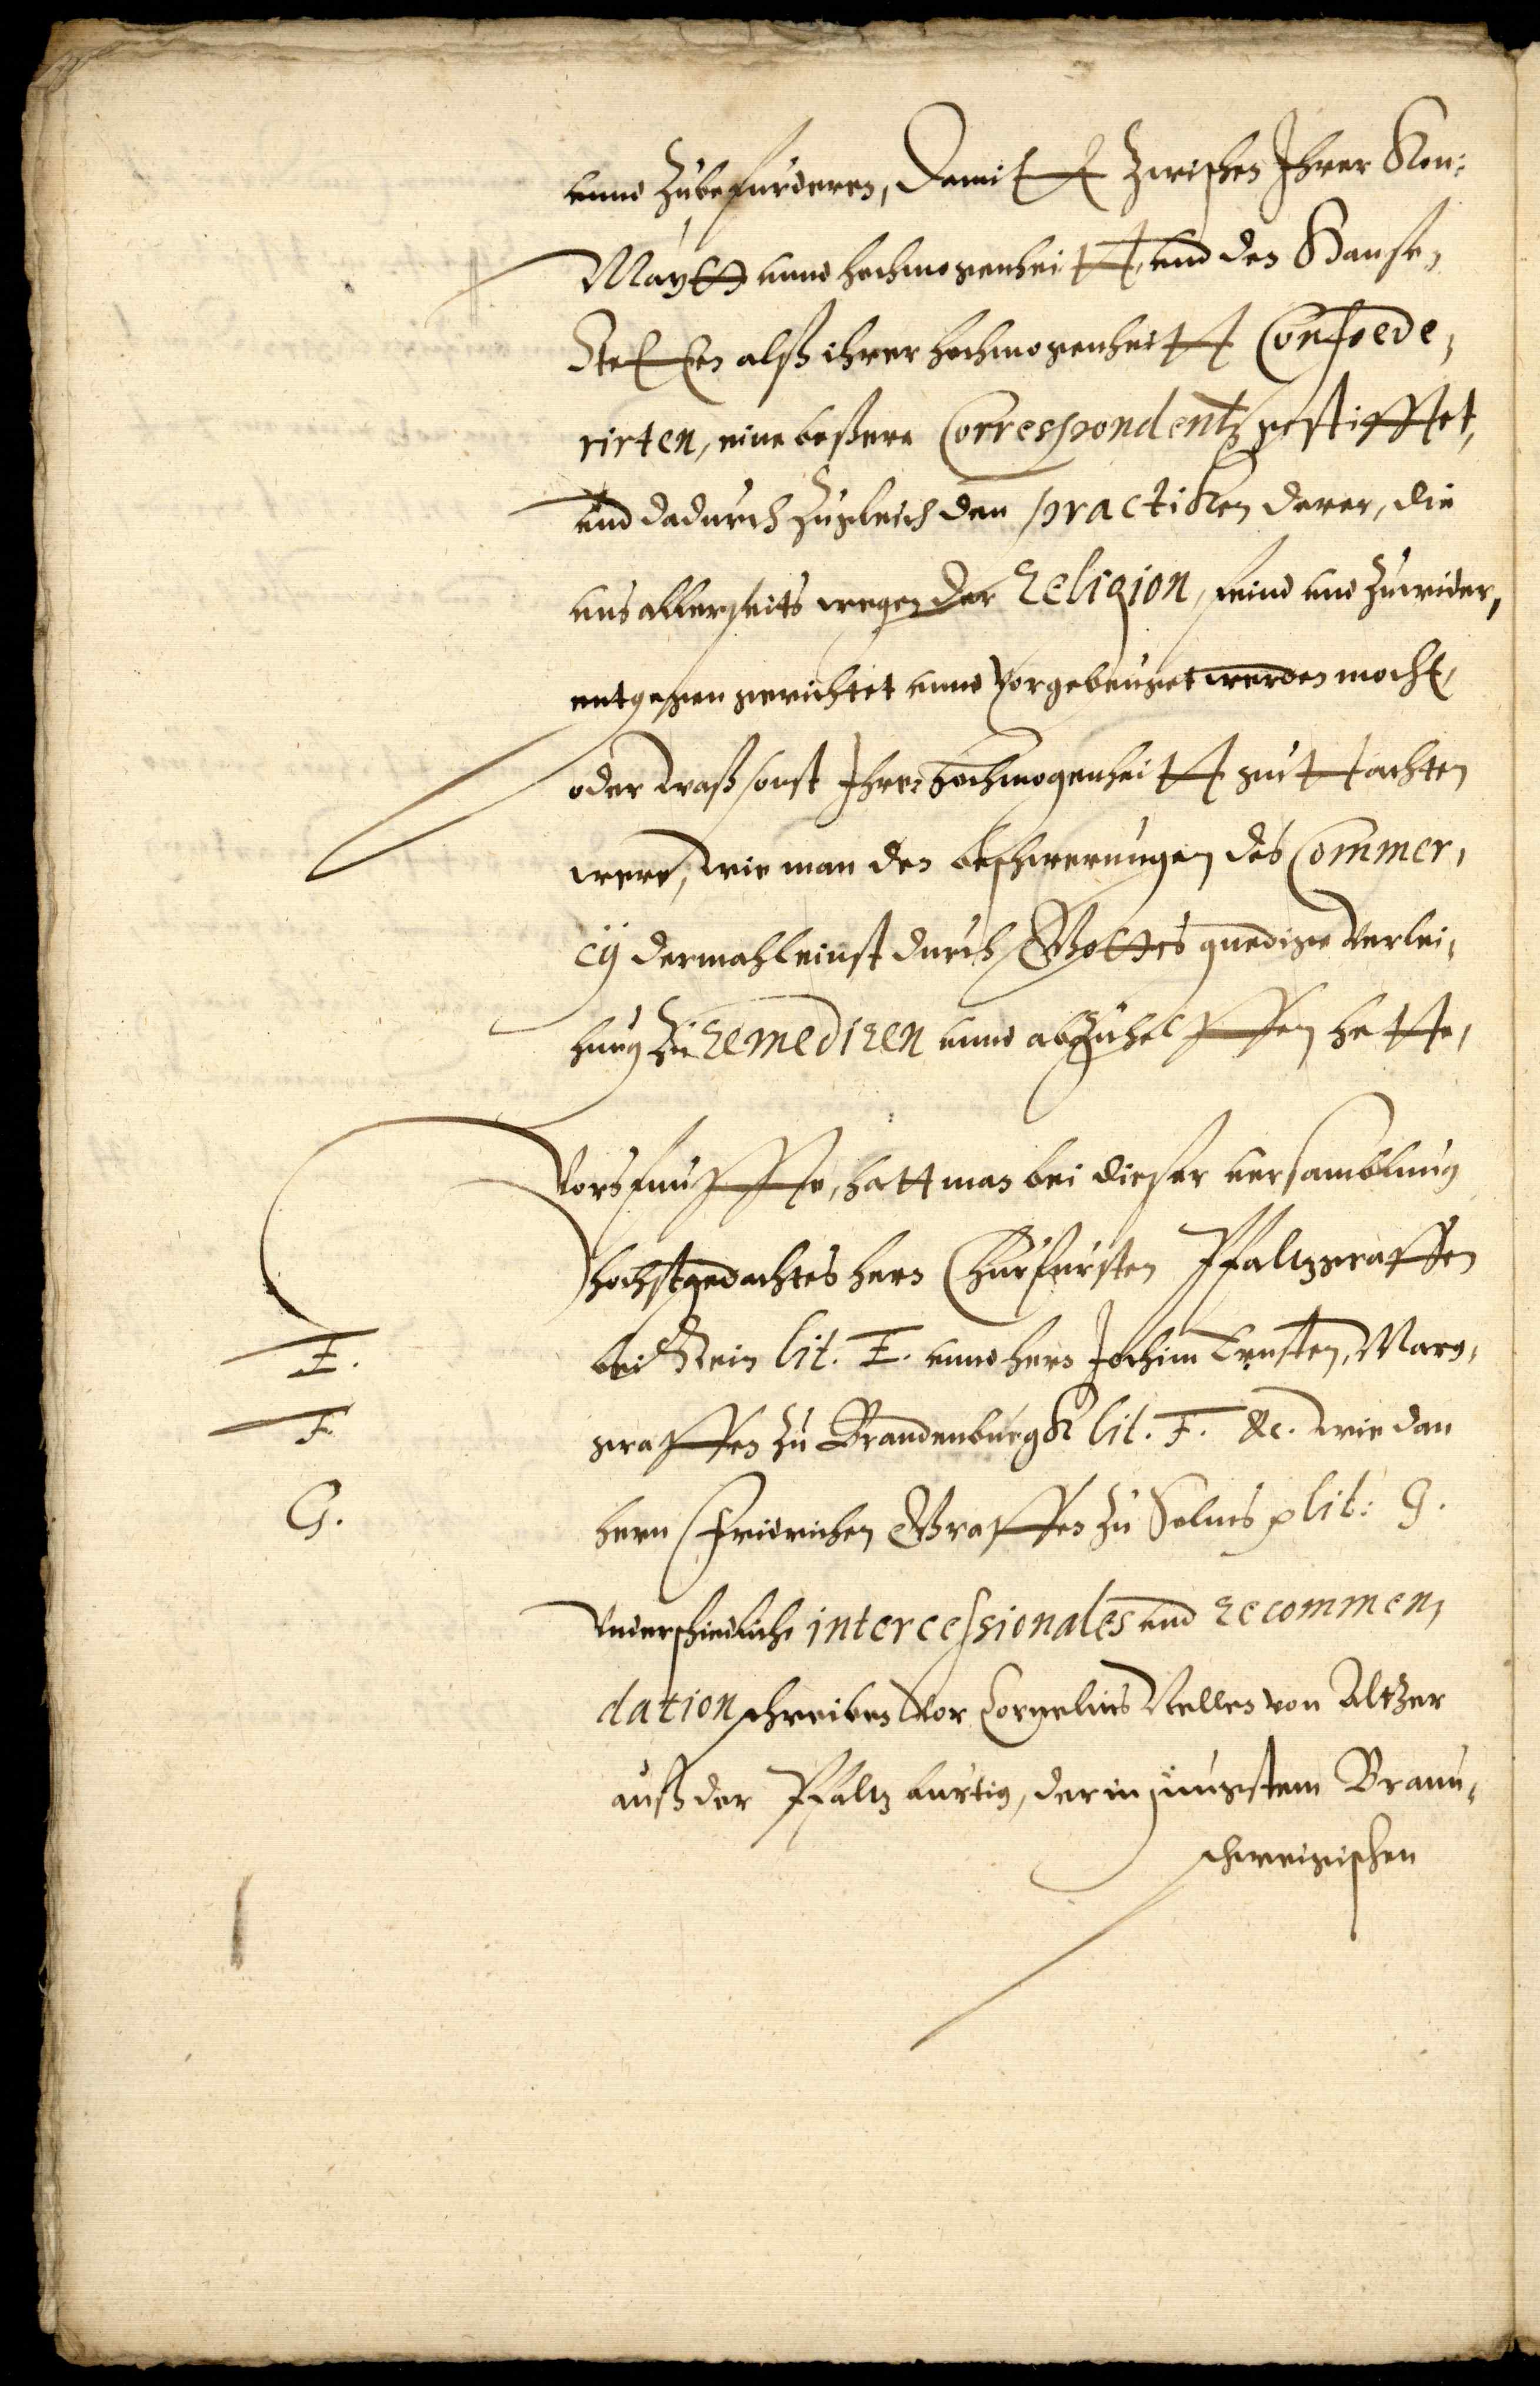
vnnd zubefurderen, damitt zwischen Ihrer Kon:
Maytt vnnd hochmogenheitt, vnd den Hanse¬
Stetten alß ihrer hochmogenheitt Confoede¬
rirten, eine beßere Corrrespondentz gestifftet,
vnd dadurch zugleich den practiken derer, die
vns allerseits wegen der religion, feind vnd zuwider,
entgegen gewichtet vnnd vorgebeuget werden mocht,
oder waß sonst Jhrer hochmogenheitt guttachten
were, wie man den beschwerungen des Commer¬
cij dermahl einst durch Gottes gnedigen verlei¬
hung zu remediren vnnd abzuhelffen hette,
Vors funffte, hatt man bei dieser versamblung
hochstgedachtes hern Churfursten Pfaltzgraffen
bei Rein lit. E. vnnd herrn Jochim Ernsten, Marg¬,
graffen zu Brandenburgk lit. F. &c. wie dan
hern Fridrichen Graffen zu Solms p lit: G.
vnderschiedliche intercessionales vnd recommen¬
dation schreiben vor Cornelies Nellen von Altzer
auß der Pfaltz burtig, der in jungstem Braun¬
schweigischen
E.
F.
G.
